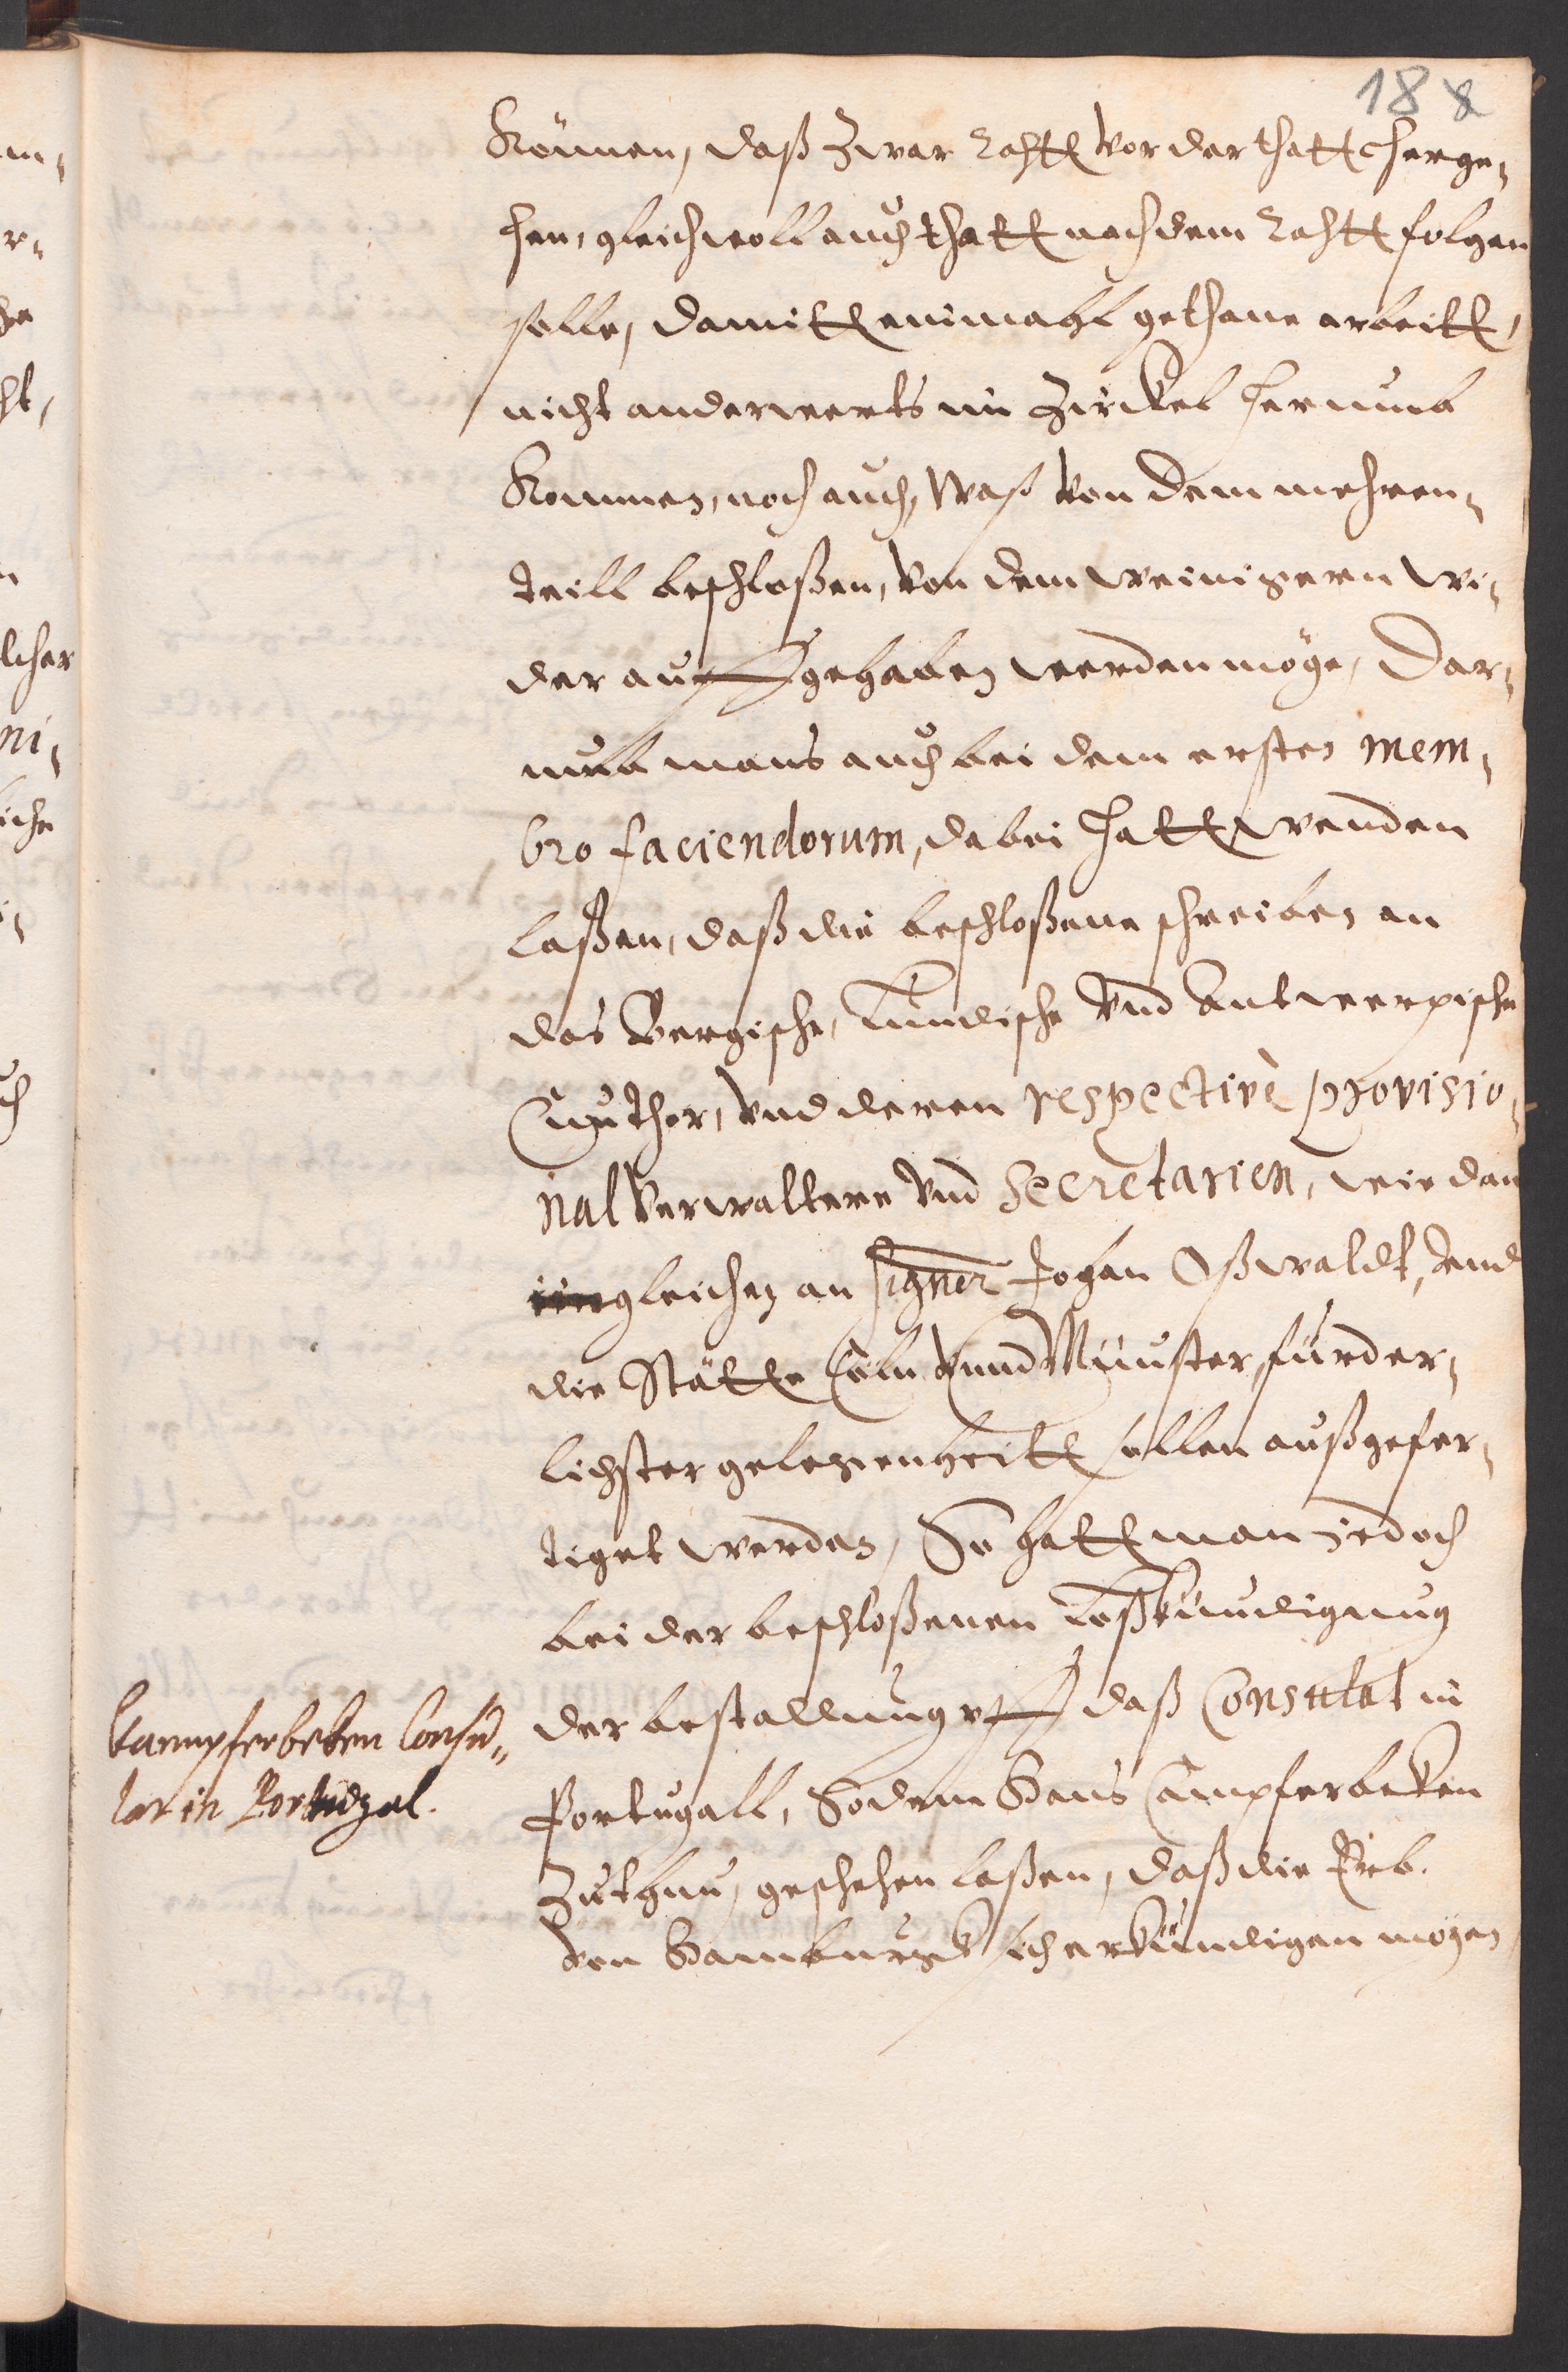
können, daß zwar rahtt vor der thatt herge¬
hen, gleichwoll auch thatt nachdem rahtt folgen
solle, damitt einmahl gethane arbeitt,
nicht anderwerts im zirckel herumb
kommen, noch auch, waß von dem mehren¬
teill beschloßen, von dem weinigern wi¬
der auff gehaben werden möge, Dar¬
umb mans auch bei dem ersten mem¬
bro faciendorum, dabei hatt werden
laßen, daß die beschloßene schreiben an
das Bergische, Lundische vnd antwerpische
Cunthor, vnd deren respective provisio¬
nal verwaltern vnd secretarien, wie dan
ein gleichen an Signer Johan Oßwaldt, vnd
die Stätte Cöln vnnd Münster fürder¬
lichster gelegenheitt sollen außgefer¬
tiget werden, So hatt man jedoch
bei der beschloßenen Loßkündigung
der bestallung vff daß Consulat in
Portugall, Sodem Hans Campferbeken
Zuthun, geschehen laßen, daß die Erb.
von Hamburgk sich erkündigen mögen,
Kampferbeken Consu¬
lat in Portugal
